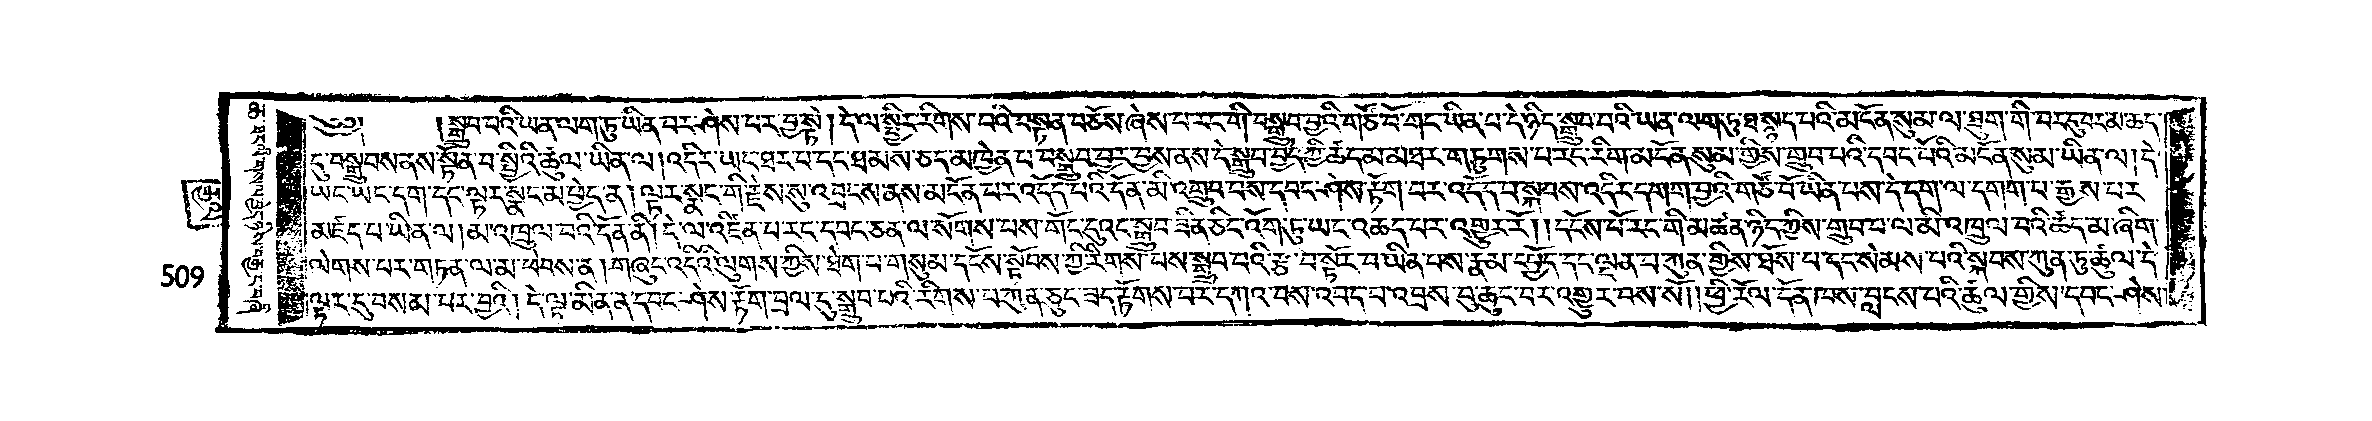༄༅། །སྒྲུབ་པའི་ཡན་ལག་ཏུ་ཡིན་པར་ཤེས་པར་བྱ་སྟེ། དེ་ལ་སྤྱིར་རིགས་པའི་བསྟན་བཅོས་ཞེས་པ་རང་གི་བསྒྲུབ་བྱའི་གཙོ་བོ་གང་ཡིན་པ་དེ་ཉིད་སྒྲུབ་པའི་ཡན་ལག་ཏུ་ཐ་སྙད་པའི་མངོན་སུམ་ལ་ཐུག་གི་བར་དུ་བར་མ་ཚད་
དུ་བསྒྲུབས་ནས་སྟོན་པ་སྤྱིའི་ཚུལ་ཡིན་ལ། འདིར་ཡང་ཐར་པ་དང་ཐམས་ཅད་མཁྱེན་པ་བསྒྲུབ་བྱར་བྱས་ནས་དེ་སྒྲུབ་བྱེད་ཀྱི་ཚད་མ་མཐར་གཏུགས་པ་རང་རིག་མངོན་སུམ་གྱིས་གྲུབ་པའི་དབང་པོའི་མངོན་སུམ་ཡིན་ལ། དེ་
ཡང་ཡང་དག་དང་ལྟར་སྣང་མ་ཕྱེད་ན། ལྟར་སྣང་གི་རྗེས་སུ་འབྲངས་ནས་མངོན་པར་འདོད་པའི་དོན་མི་འགྲུབ་པས་དབང་ཤེས་རྟོག་པར་འདོད་པ་སྐབས་འདིར་དགག་བྱའི་གཙོ་བོ་ཡིན་པས་དེ་དག་ལ་དགག་པ་རྒྱས་པར་
མཛད་པ་ཡིན་ལ། མ་འཁྲུལ་བའི་དོན་ནི། དེ་ལ་འཛིན་པ་རང་དབང་ཅན་ལ་སོགས་པས་གོང་དུའང་སྒྲུབ་ཟིན་ཅིང་འོག་ཏུ་ཡང་འཚང་པར་འགྱུར་རོ། །དངོས་པོ་རང་གི་མཚན་ཉིད་ཀྱིས་གྲུབ་པ་ལ་མི་འཁྲུལ་བའི་ཚད་མ་ཞིག་
ལེགས་པར་གཏན་ལ་མ་ཕེབས་ན། གཞུང་འདིའི་ལུགས་ཀྱིས་ཐེག་པ་གསུམ་དངོས་སྟོབས་ཀྱི་རིགས་པས་སྒྲུབ་པའི་རྩ་བ་སྟོར་བ་ཡིན་པས་རྣམ་དཔྱོད་དང་ལྡན་པ་ཀུན་གྱིས་ཐོས་པ་དང་སེམས་པའི་སྐབས་ཀུན་ཏུ་ཚུལ་དེ་
ལྟར་དུ་བསམ་པར་བྱའི། དེ་ལྟ་མིན་ན་དབང་ཤེས་རྟོག་བྲལ་དུ་སྒྲུབ་པའི་རིགས་པ་ཀུན་ཅུང་ཟད་རྟོགས་པར་དཀའ་བས་འབད་པ་འབྲས་བུ་ཆུང་བར་འགྱུར་བས་སོ། །ཕྱི་རོལ་དོན་ཁས་བླངས་པའི་ཚུལ་གྱིས་དབང་ཤེས་